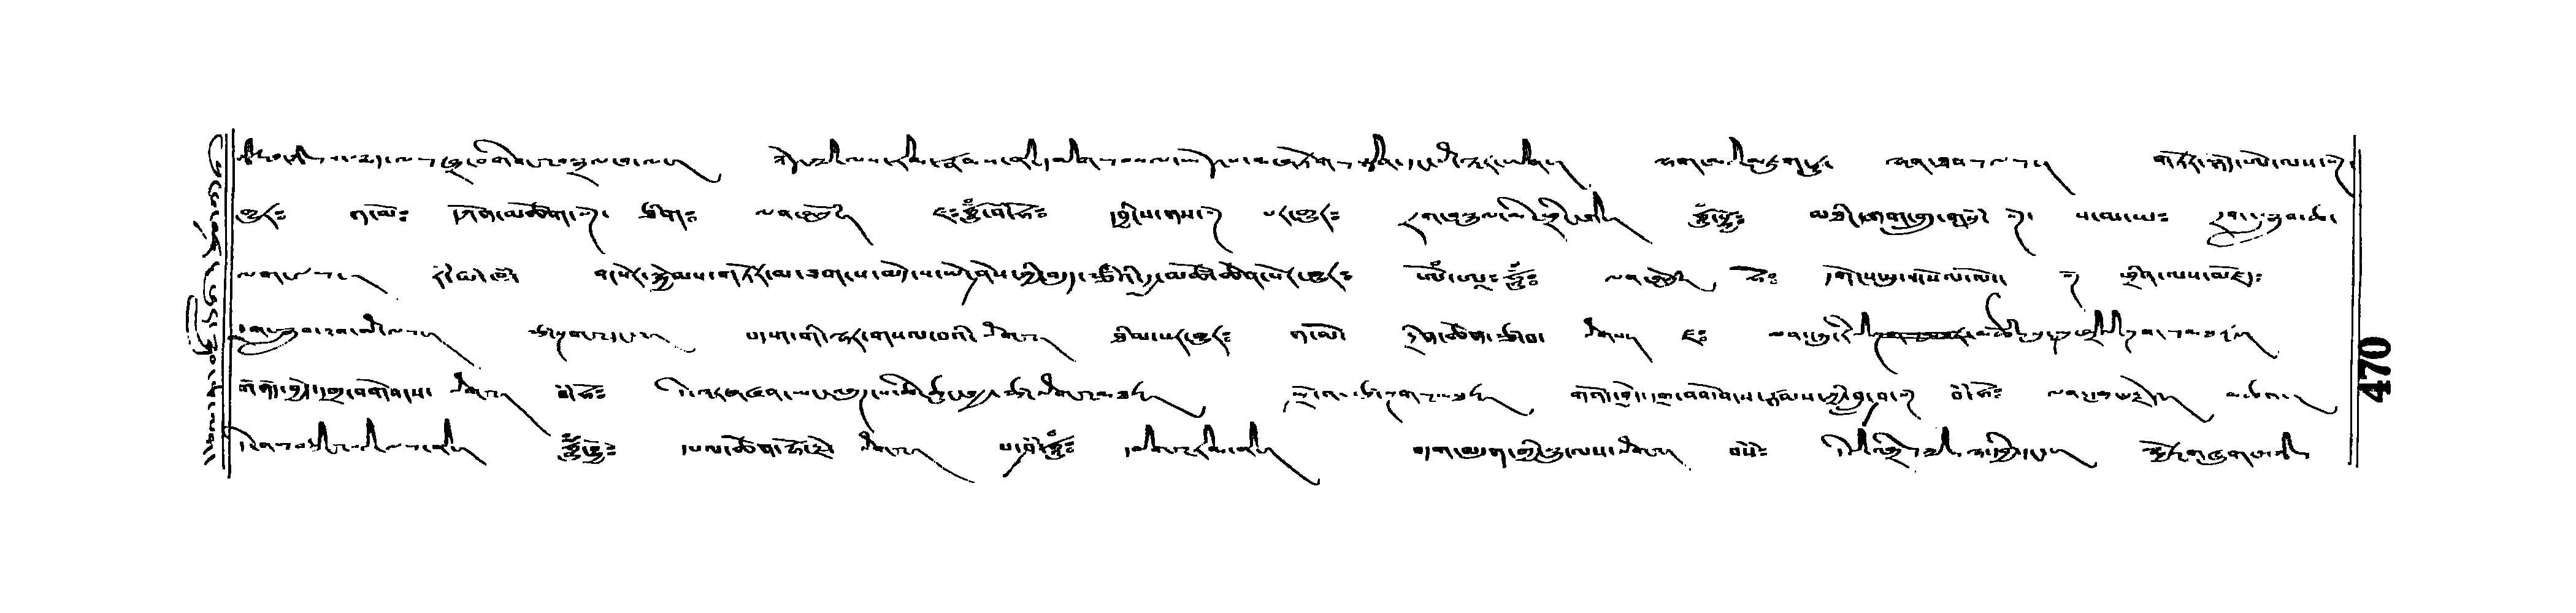ཉིན་གཉིས་པ་སྨད་ལས་དགྲ་བགེགས་བསྒྲལ་བ་ལ། སྟོད་ཀྱི་ལས་རིམ་རྣམས་ནི་དམིགས་བསལ་ཡོད་པ་མ་གཏོགས་ཉིན་དང་པོ་ལྟར་ཡིན། ལྷག་མའི་མཇུག་ཏུ། ལྷན་ཐབས་ལས། གཏོར་སྣོད་ཨེ་ལས་སོགས། 
གྱུརཿ ན་མོ༔ དཀོན་མཆོག་སོགས། ཅིགཿ ལན་གསུམ། ཛཿཧཱུྃ་བཾ་ཧོཿ དབྱིངས་ནས་སོགས། པར་གྱུར༔ དྲག་བསྐུལ་མེ་ཕྲེང་གི ཧཱུྃ་བྷྱོ༔ མཐིང་ནག་གྲུ་གསུམ་སོགས། ས་མ་ཡ༔ དྲག་བསྒྲུབ་ཆ་
ལག་ལས། རྃ་ཡྃ་ཁྃ། གསེར་སྐྱེམས་གཏོར་མ་ཟག་པ་མེད་པ་ཡེ་ཤེས་ཀྱི་བདུད་རྩིའི་རྒྱ་མཚོ་ཆེན་པོར་གྱུར༔ ཨོཾ་ཨཱཿཧཱུྃ༔ ལན་གསུམ། ཧོཿ དགོངས་སུ་གསོལ་ལོ་སོགས། ཕྲིན་ལས་མཛོད༔ 
དྲག་སྒྲུབ་ཟབ་མོ་ལས། རྩ་སྔགས་དང་། བདག་གི་ལྷར་གསལ་བའི་སོགས། ཐིམ་པར་གྱུར༔ ན་མོ༔ དྲིན་ཆེན་རྩ་བ་སོགས། ཛཿ ལན་དགུ་རེའི་མཚམས་སུ་སྤུ་གྲིའི་སྔགས་མཐར། 
གནོད་བྱེད་དགྲ་བགེགས་སོགས། བཾ་ཧོཿ དེ་ལྟར་གཞན་ཡང་འགུགས་པ་ཆེ་ཆུང་བརྒྱ་རྩ་སོགས་མཐར། སྤྲོ་ན་རྩ་སྔགས་མཐར། གནོད་བྱེད་དགྲ་བགེགས་རྣམས་ཀྱི་བླ་ཤ་སོགས། བཾ་ཧོཿ ལན་དགུ་བརྗོད། མཆན། 
དེ་ནས་བཅིང་པའི་ལས་ནི། ཧཱུྃ་བྷྱོ༔ དཔལ་ཆེན་རྡོ་རྗེ་སོགས། པ་ཤཾ་ཧཱུྃ༔ དམིགས་རིམ་ནི། བདག་མདུན་གྱི་སྐུ་ལས་སོགས། བསམ༔ དེའི་འགྲེས་ཀྱིས་ལྷ་དབྱེ་དང་། སྨྱོར་གཞུག་གཉིས་